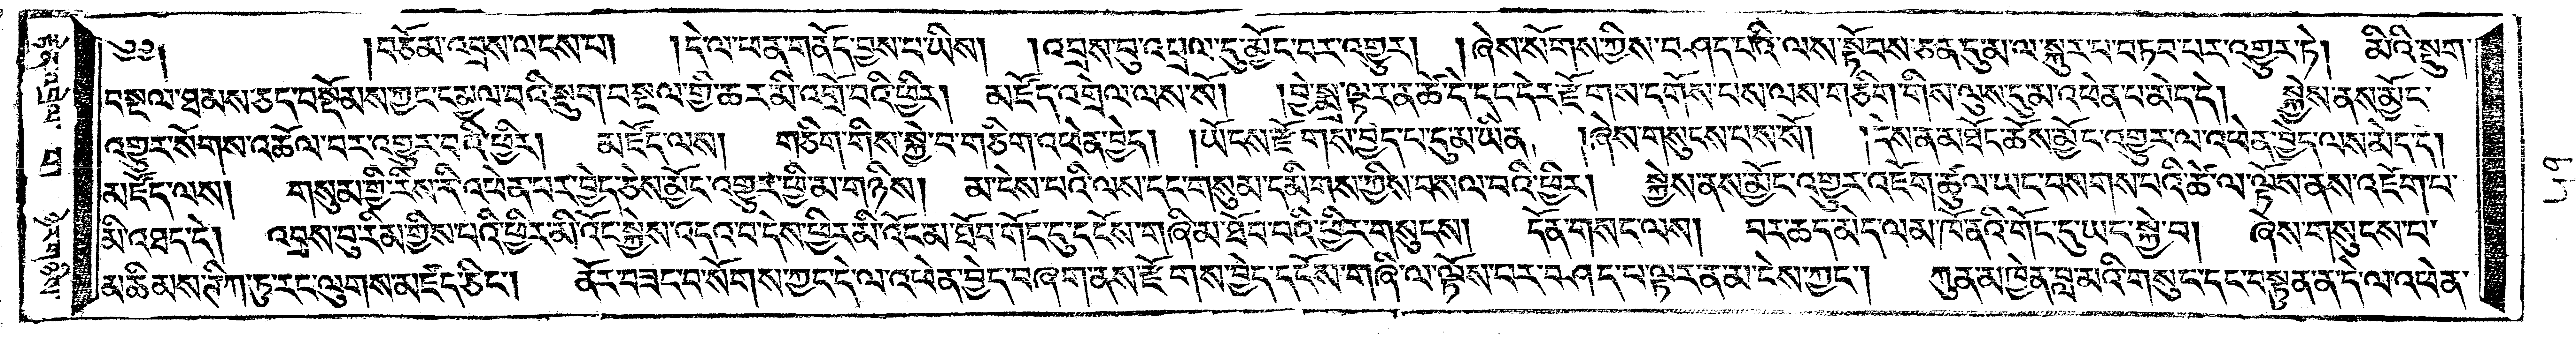༄༅། །བཅོམ་འབྲས་ལངས་པ། །དེ་ལ་ཕན་གནོད་བྱས་པ་ཡིས། །འབྲས་བུ་འཕྲལ་དུ་མྱོང་བར་འགྱུར། །ཞེས་སོགས་ཀྱིས་བཤད་པའི་ལས་སྟོབས་ཅན་དུ་མ་ལ་སྐུར་བ་བཏབ་པར་འགྱུར་ཏེ། མིའི་སྡུག་
བསྔལ་ཐམས་ཅད་བསྡོམས་ཀྱང་དམྱལ་བའི་སྡུག་བསྔལ་གྱི་ཆར་མི་འགྲོ་བའི་ཕྱིར། མཛོད་འགྲེལ་ལས་སོ། །བྱེ་སྨྲ་ལྟར་ན་ཚེ་དེ་དང་དེར་རྫོགས་དགོས་པས་ལས་གཅིག་གིས་ལུས་དུ་མ་འཕེན་པ་མེད་དེ། སྐྱེས་ནས་མྱོང་
འགྱུར་སོགས་འཆོལ་བར་འགྱུར་བའི་ཕྱིར། མཛོད་ལས། གཅིག་གིས་སྐྱེ་བ་གཅིག་འཕེན་བྱེད། །ཡོངས་རྫོགས་བྱེད་པ་དུ་མ་ཡིན། །ཞེས་གསུངས་པས་སོ། །དེས་ན་མཐོང་ཆོས་མྱོང་འགྱུར་ལ་འཕེན་བྱེད་ལས་མེད་དེ།
མཛོད་ལས། གསུམ་གྱི་རིས་ནི་འཕེན་པར་བྱེད་ཅེས་མྱོང་འགྱུར་ཕྱི་མ་གཉིས། མ་ངེས་པའི་ལས་དང་གསུམ་དམིགས་ཀྱིས་བསལ་བའི་ཕྱིར། སྐྱེས་ནས་མྱོང་འགྱུར་འཇོག་ཚུལ་ཡང་བསགས་པའི་ཚེ་ལ་ལྟོས་ནས་འཇོག་པ་
མི་འཐད་དེ། འབྲས་བུ་རིམ་གྱིས་པའི་ཕྱིར་མི་འོང་སྐྱེས་འདའ་བ་དེས་ཕྱིར་མི་འོང་མ་ཐོབ་གོང་དུ་དངོས་གཞི་མ་ཐོབ་པའི་ཕྱིར་གསུངས། དོན་གསང་ལས། བར་ཆད་མེད་ལམ་ཁོ་ནའི་གོང་དུ་ཡང་སྐྱེ་བ། ཞེས་གསུངས་པ་
མཆིམས་ཊིཀ་ཏུ་རང་ལུགས་མཛད་ཅིང་། ནོར་བཟང་བ་སོགས་ཀྱང་དེ་ལ་འཕེན་བྱེད་བཞག་ནས་རྫོགས་བྱེད་དངོས་གཞི་ལ་ལྟོས་པར་བཤད་པ་ལྟར་ན་མ་ངེས་ཀྱང་། ཀུན་མཁྱེན་བླ་མའི་གསུང་དང་བསྟུན་ན་དེ་ལ་འཕེན་